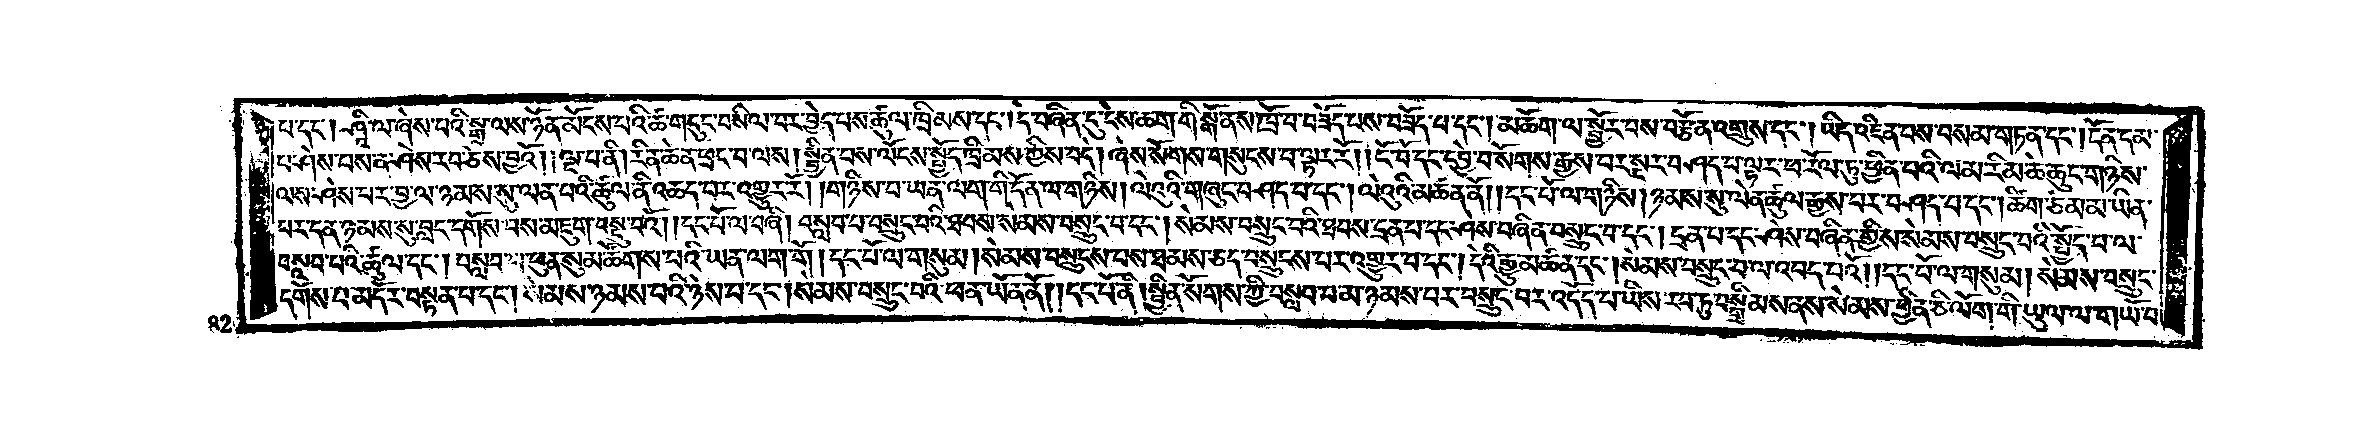པ་དང་། ཤཱི་ལ་ཞེས་པའི་སྒྲ་ལས་ཉོན་མོངས་པའི་ཚ་གདུང་བསིལ་བར་བྱེད་པས་ཚུལ་ཁྲིམས་དང་། དེ་བཞིན་དུ་ངེས་ཆག་གི་སྒོ་ནས་ཁྲོ་བ་བཟོད་པ་བཟོད་པ་དང་། མཆོག་ལ་སྦྱོར་བས་བརྩོན་འགྲུས་དང་། ཡིད་འཛིན་པས་བསམ་གཏན་དང་། དོན་དམ་
པ་ཤེས་པས་ན་ཤེས་རབ་ཅེས་བྱའོ། །ལྔ་པ་ནི། རིན་ཆེན་ཕྲིང་བ་ལས། སྦྱིན་པས་ལོངས་སྤྱོད་ཁྲིམས་ཀྱིས་བདེ། ཞེས་སོགས་གསུངས་པ་ལྟར་རོ། །ངོ་བོ་དང་དབྱེ་བ་སོགས་རྒྱས་པར་སྔར་བཤད་པ་ལྟར་ཕ་རོལ་ཏུ་ཕྱིན་པའི་ལམ་རིམ་ཆེ་ཆུང་གཉིས་
ལས་ཤེས་པར་བྱ་ལ་ཉམས་སུ་ལན་པའི་ཚུལ་ནི་འཆད་པར་འགྱུར་རོ། །གཉིས་པ་ཡན་ལག་གི་དོན་ལ་གཉིས། ལེའུའི་གཞུང་བཤད་པ་དང་། ལེའུའི་མཚན་ནོ། །དང་པོ་ལ་གཉིས། མཉམས་སུ་ལེན་ཚུལ་རྒྱས་པར་བཤད་པ་དང་། ཚིག་ཙམ་མ་ཡིན་
པར་དོན་ཉམས་སུ་བླང་དགོས་པས་འཇུག་བསྡུ་བའོ། །དང་པོ་ལ་བཞི། བསླབ་པ་བསྲུང་བའི་ཐབས་སེམས་བསྲུང་བ་དང་། སེམས་བསྲུང་བའི་ཐབས་དྲན་པ་དང་ཤེས་བཞིན་བསྲུང་བ་དང་། དྲན་པ་དང་ཤེས་བཞིན་གྱིས་སེམས་བསྲུང་བའི་སྤྱོད་པ་ལ་
བསླབ་པའི་ཚུལ་དང་། བསླབ་ཕུན་སུམ་ཚོགས་པའི་ཡན་ལག་གོ །དང་པོ་ལ་གསུམ། སེམས་བསྲུངས་པས་ཐམས་ཅད་བསྲུངས་པར་འགྱུར་བ་དང་། དེའི་རྒྱུ་མཚན་དང་། སེམས་བསྲུང་བ་ལ་འབད་པའོ། །དང་པོ་ལ་གསུམ། སེམས་བསྲུང་
དགོས་པ་མདོར་བསྟན་པ་དང་། སེམས་ཉམས་པའི་ཉེས་པ་དང་། སེམས་བསྲུང་བའི་ཕན་ཡོན་ནོ། །དང་པོ་ནི། སྦྱིན་སོགས་ཀྱི་བསླབ་པ་མ་ཉམས་པར་བསྲུང་བར་འདོད་པ་ཡིས་རབ་ཏུ་བསྒྲིམས་ནས་སེམས་ཕྱིན་ཅི་ལོག་གི་ཡུལ་ལ་གཡོ་བ་